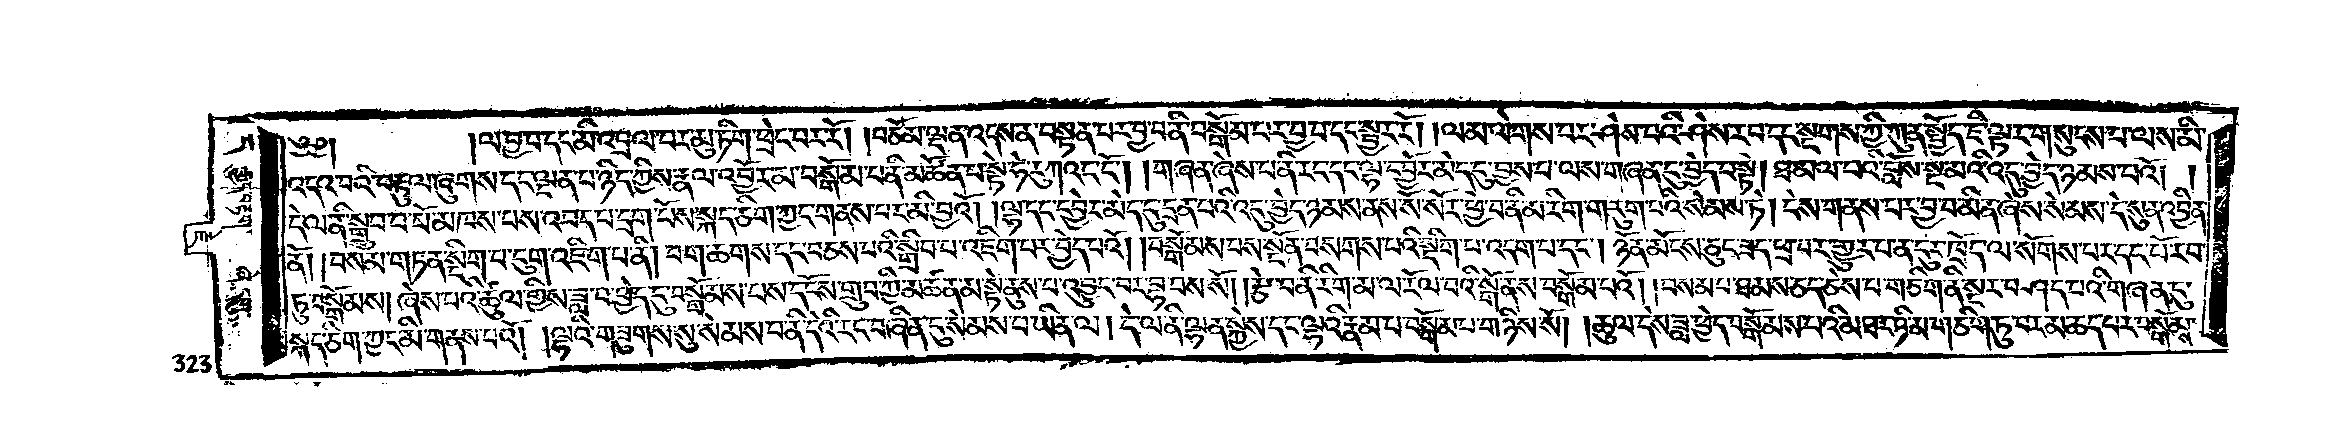༄༅། །ལ་བྱ་བ་དང་མི་འབྲལ་བར་མུ་ཏིག་ཕྲེང་བར་རོ། །བཅོམ་ལྡན་འདས་ན་བསྟན་པར་བྱ་བ་ནི་བསྒོམ་པར་བྱ་བ་དང་སྦྱར་རོ། །ལམ་ལེགས་པར་ཤེས་པའི་ཤེས་རབ་དང་སྔགས་ཀྱི་ཀུན་སྤྱོད་ཇི་ལྟར་གསུངས་པ་ལས་མི་
འདའ་བའི་བརྟུལ་ཞུགས་དང་ལྡན་པ་ཉིད་ཀྱིས་རྣལ་འབྱོར་མ་བསྒོམ་པ་ནི་མཚོན་པ་སྟེ་ཧེ་རུ་ཀའང་ངོ། །གཞན་ཞེས་པ་ནི་རང་དང་ལྷ་དབྱོར་མེད་དུ་བྱས་པ་ལས་གཞན་དུ་བྱེད་པ་སྟེ། ཐ་མལ་བའི་བློས་སྔ་མའི་འདུ་བྱེད་ཉམས་པའོ། །
དེ་ལ་ནི་སྒྲུབ་པ་པོ་མཁས་པས་འབད་པ་དྲག་པོས་སྐད་ཅིག་ཀྱང་གནས་པར་མི་བྱའོ། །ལྷ་དང་དབྱེར་མེད་དུ་དྲན་པའི་འདུ་བྱེད་ཉམས་ནས་སོ་སོར་ཕྱེ་བ་ནི་མ་རིག་གྲུག་པའི་སེམས་ཏེ། ངེས་གནས་པར་བྱ་བ་མིན་ཞེས་སེམས་དེ་སུན་འབྱིན་
ནོ། །བསམ་གཏན་སྡིག་པ་དུག་འཇིག་པ་ནི། བག་ཆགས་དང་བཅས་པའི་སྒྲིབ་པ་འཇིག་པར་བྱེད་པའོ། །བསྒོམས་པས་སྔོན་བསགས་པའི་སྡིག་པ་འདག་པ་དང་། ཉོན་མོངས་ཅུང་ཟད་ཕྲ་བར་གྱུར་བ་ན་དུར་ཁྲོད་ལ་སོགས་པར་དང་པོ་རབ་
ཏུ་བསྒོམས། ཞེས་པའི་ཚུལ་གྱིས་ཟླ་བ་ཕྱེད་དུ་བསྒོམས་པས་དངོས་གྲུབ་ཀྱི་མཚན་མ་སྟེ་ནུས་པ་འབྱུང་བར་བྷ་བས་སོ། །རྩེ་བ་ནི་རིག་མ་ལ་རོལ་བའི་སྒོ་ནས་བསྒོམ་པའོ། །བསམ་པ་ཐམས་ཅད་ཅེས་པ་གཅིག་ནི་སྔར་བཤད་པའི་གཞན་དུ་
སྐད་ཅིག་ཀྱང་མི་གནས་པའོ། །ལྷའི་གཟུགས་སུ་སེམས་པ་ནི་དེའི་རང་བཞིན་དུ་སེམས་པ་ཡིན་ལ། དེ་ལ་ནི་ལྷན་སྐྱེས་དང་ལྷའི་རྣམ་པ་བསྒོམ་པ་གཉིས་སོ། །ཆུལ་དེས་ཟླ་ཕྱེད་བསྒོམས་པའི་མཐར་ཉི་མ་གཅིག་ཏུ་བར་མ་ཆད་པར་བསྒོམས་